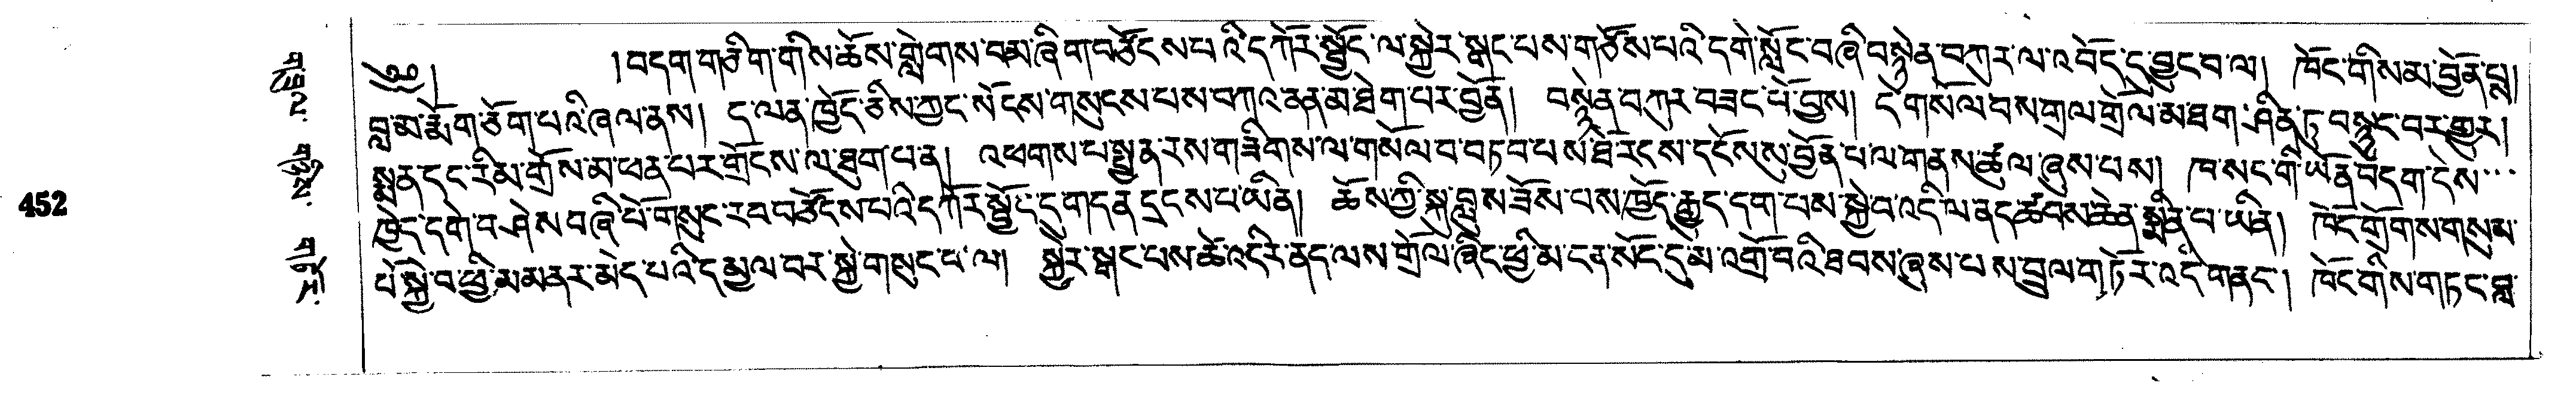༄༅། །བདག་གཅིག་གིས་ཆོས་གླེགས་བམ་ཞིག་བཙོངས་པའི་དཀོར་སྦྱོང་ལ་སྐྱེར་སྒང་པས་གཙོས་པའི་དགེ་སློང་བཞི་བསྙེན་བཀུར་ལ་འབོད་དུ་བྱུང་བ་ལ། ཁོང་གིས་མ་བྱོན་པས།
བླ་མ་རྨོག་ཅོག་པའི་ཞལ་ནས། ད་ལན་ཁྱོད་ཅིས་ཀྱང་སོངས་གསུངས་པས་བཀའ་ནན་མ་ཐེག་པར་བྱོན། བསྙེན་བཀུར་བཟང་པོ་བྱས། དེ་གསོལ་བས་གྲལ་གྲོལ་མ་ཐག་ཤིན་ཏུ་བསྙུང་བར་གྱུར།
སྨན་དང་རིམ་གྲོས་མ་ཕན་པར་གྲོངས་ལ་ཐུག་པ་ན། འཕགས་པ་སྤྱན་རས་གཟིགས་ལ་གསོལ་བ་བཏབ་པས་ཐོ་རངས་དངོས་སུ་བྱོན་པ་ལ་གནས་ཚུལ་ཞུས་པས། ཁ་སང་གི་ཡོན་བདག་དེས་
ཁྱེད་དགེ་བཤེས་བཞི་པོ་གསུང་རབ་བཙོངས་པའི་དཀོར་སྦྱོང་དུ་གདན་དྲངས་པ་ཡིན། ཆོས་ཀྱི་སྐུ་བླུས་ཟོས་པས་ཁྱོད་རྒྱུད་དག་པས་སྐྱེ་བ་འདི་ལ་ནད་ཚབས་ཆེན་སྨིན་པ་ཡིན། ཁོང་གྲོགས་གསུམ་
པོ་སྐྱེ་བ་ཕྱི་མ་མནར་མེད་པའི་དམྱལ་བར་སྐྱེ་གསུང་བ་ལ། སྐྱེར་སྒང་པས་ཚེ་འདིར་ནད་ལས་གྲོལ་ཞིང་ཕྱི་མ་ངན་སོང་དུ་མ་འགྲོ་བའི་ཐབས་ཞུས་པས་བྲུལ་གཏོར་འདི་གནང་། ཁོང་གིས་གཏང་བླ་